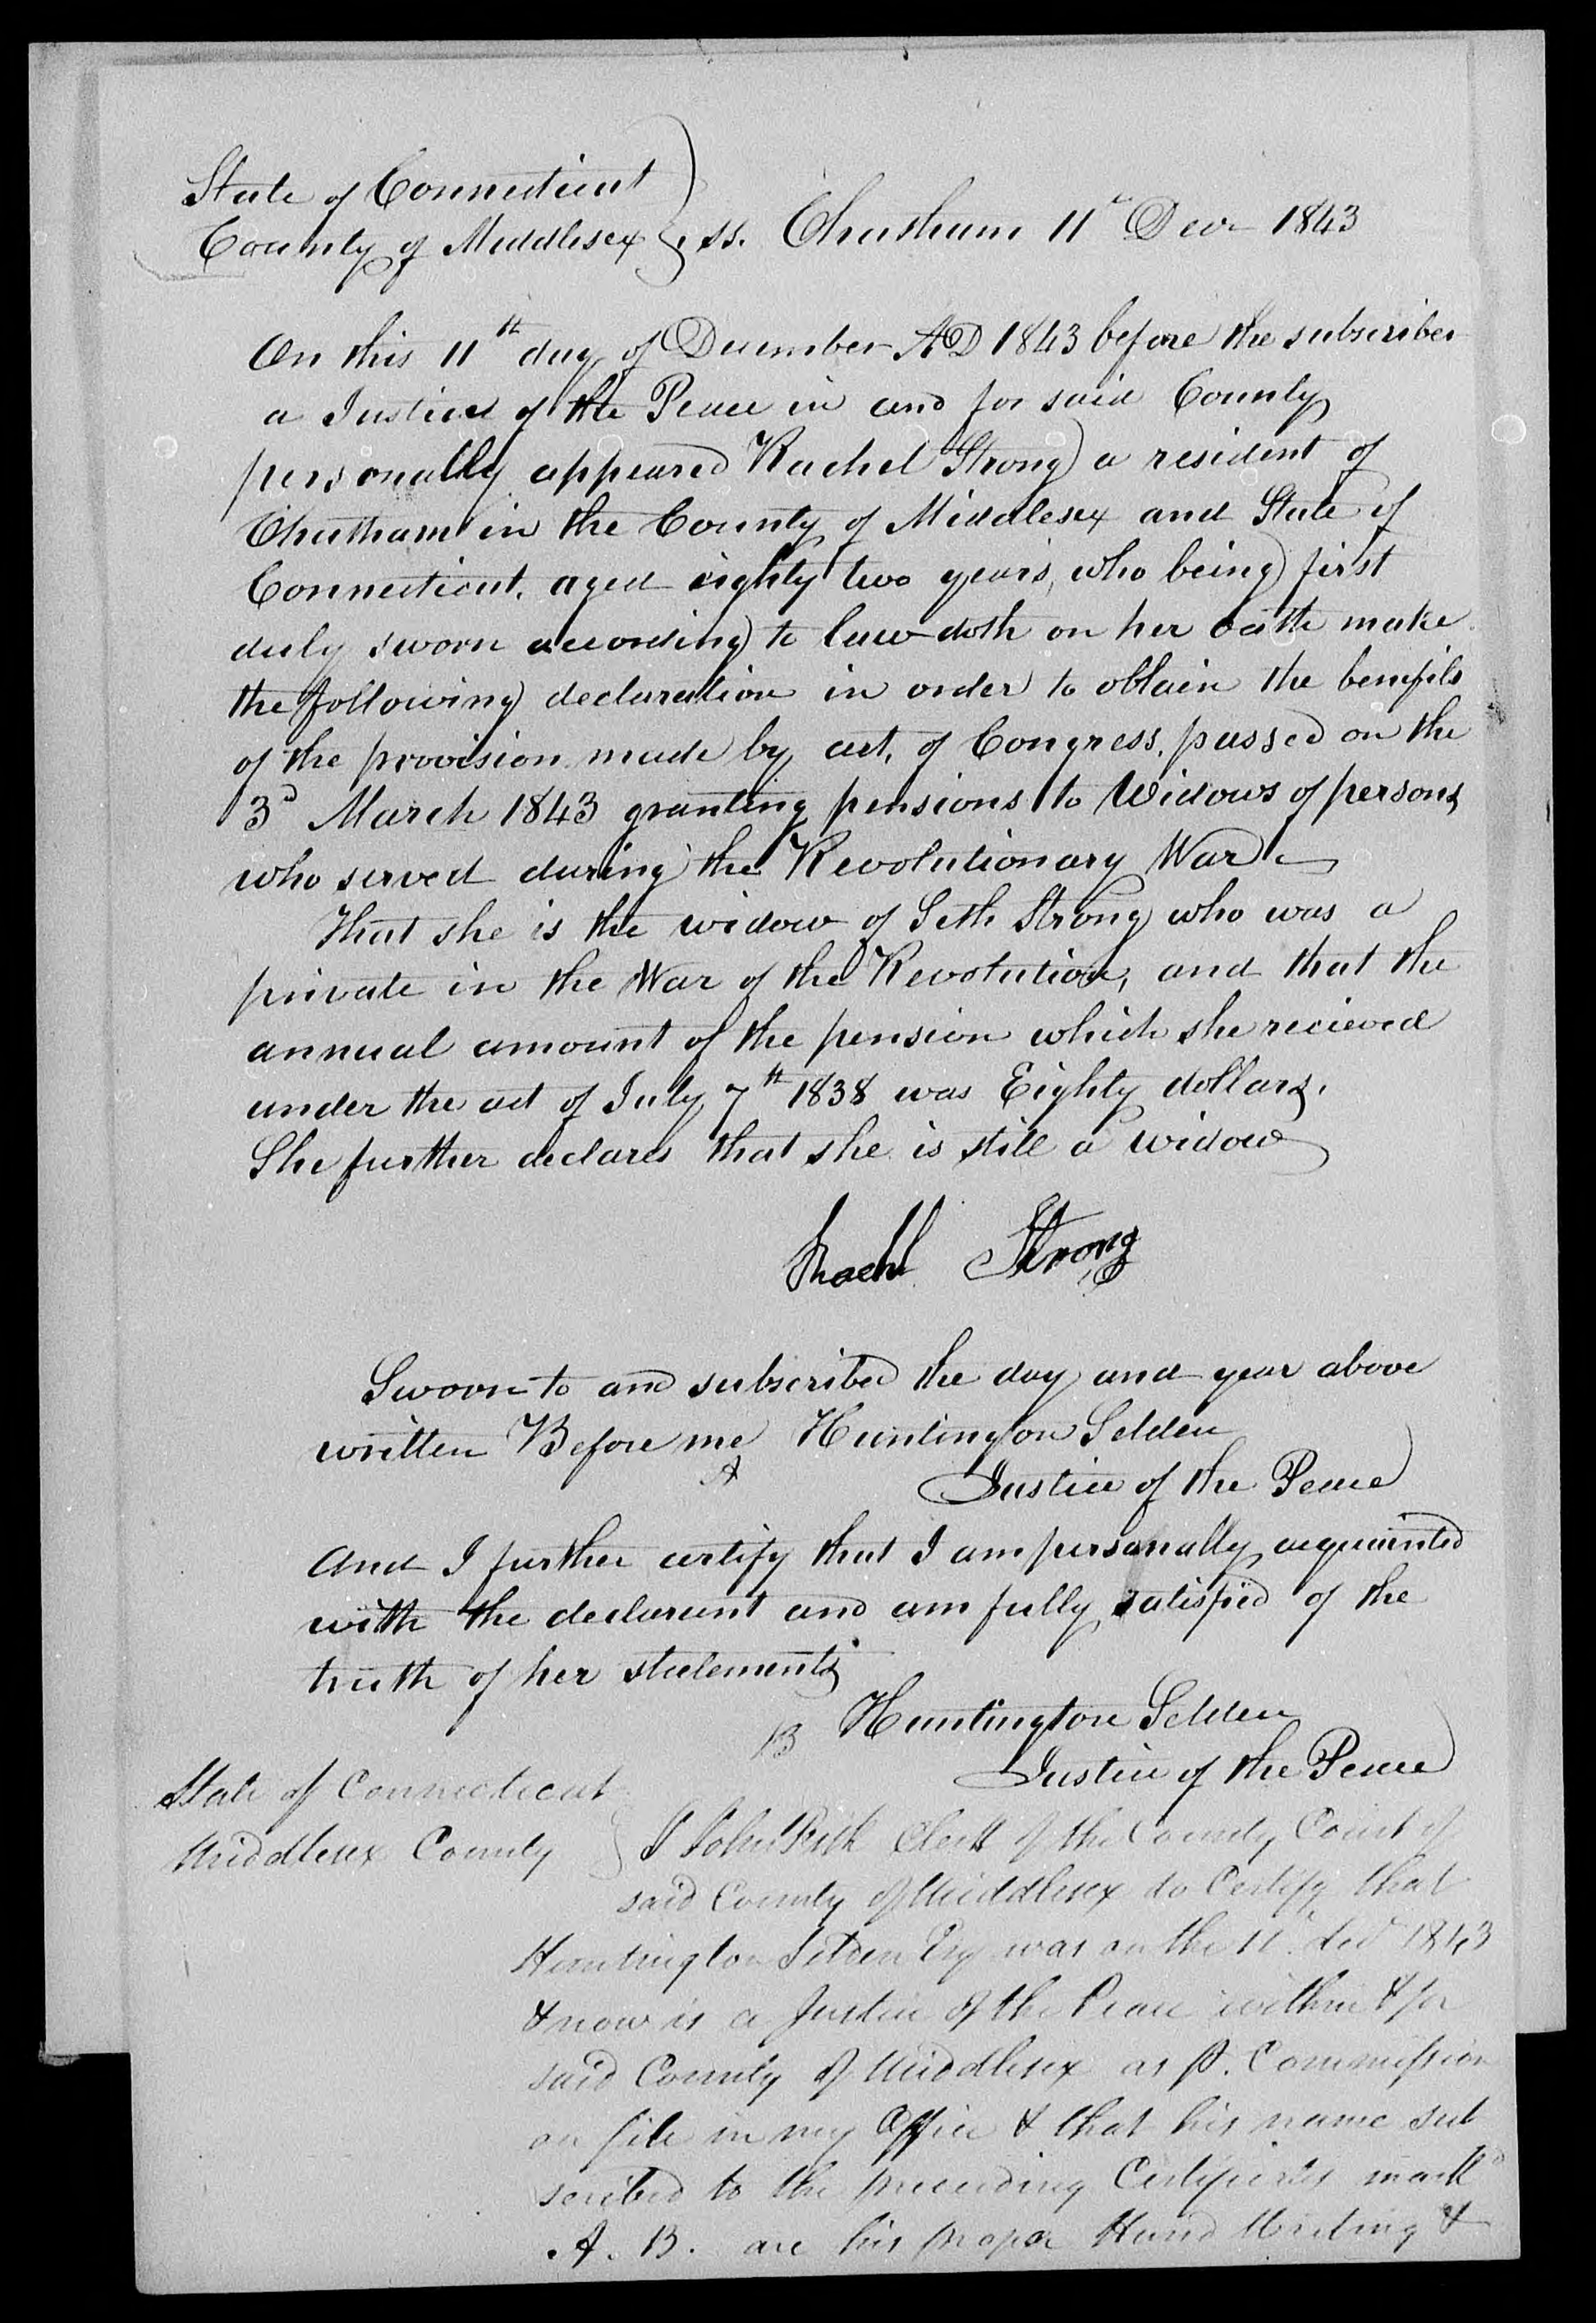State of Connecticut
County of Middlesex ss Chatham 11 Decr 1843

On this 11th day of December AD 1843 before the subscriber a Justice of the Peace in and for said County personally appeared Rachel Strong a resident of Chatham in the County of Middlesex and State of Connecticut, aged eighty two years, who being first duly sworn according to law doth on her oath make the following declaration in order to obtain the benefits of the provision made by act of Congress, passed on the 3d March 1843 granting pensions to Widows of persons who served during the Revolutionary War

That she is the widow of Seth Strong who was a private in the War of the Revolution, and that the annual amount of the pension which she recieved under the act of July 7th 1838 was Eighty dollars.

She further declares that she is still a widow

Rachel Strong

Sworn to and subscribed the day and year above written Before me Huntington Selden
A   
Justice of the Peace


And I further certify that I am personally acquainted with the declarant and am fully satisfied of the truth of her statements.

Huntington Selden
B
Justice of the Peace

State of Connecticut
Middlesex County
I John Fisk Clerk of the County Court of said County of Middlesex do Certify that Huntington Selden Esq was on the 11 decr 1843 & now is a Justice of the Peace within & for said County of Middlesex as P. Commission on file in my Office & that his name subscribed to the preceeding Certificates markd A. B. are his proper Hand Writing &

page: 45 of 47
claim: widow's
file: W. 17879, for Seth Strong, Connecticut